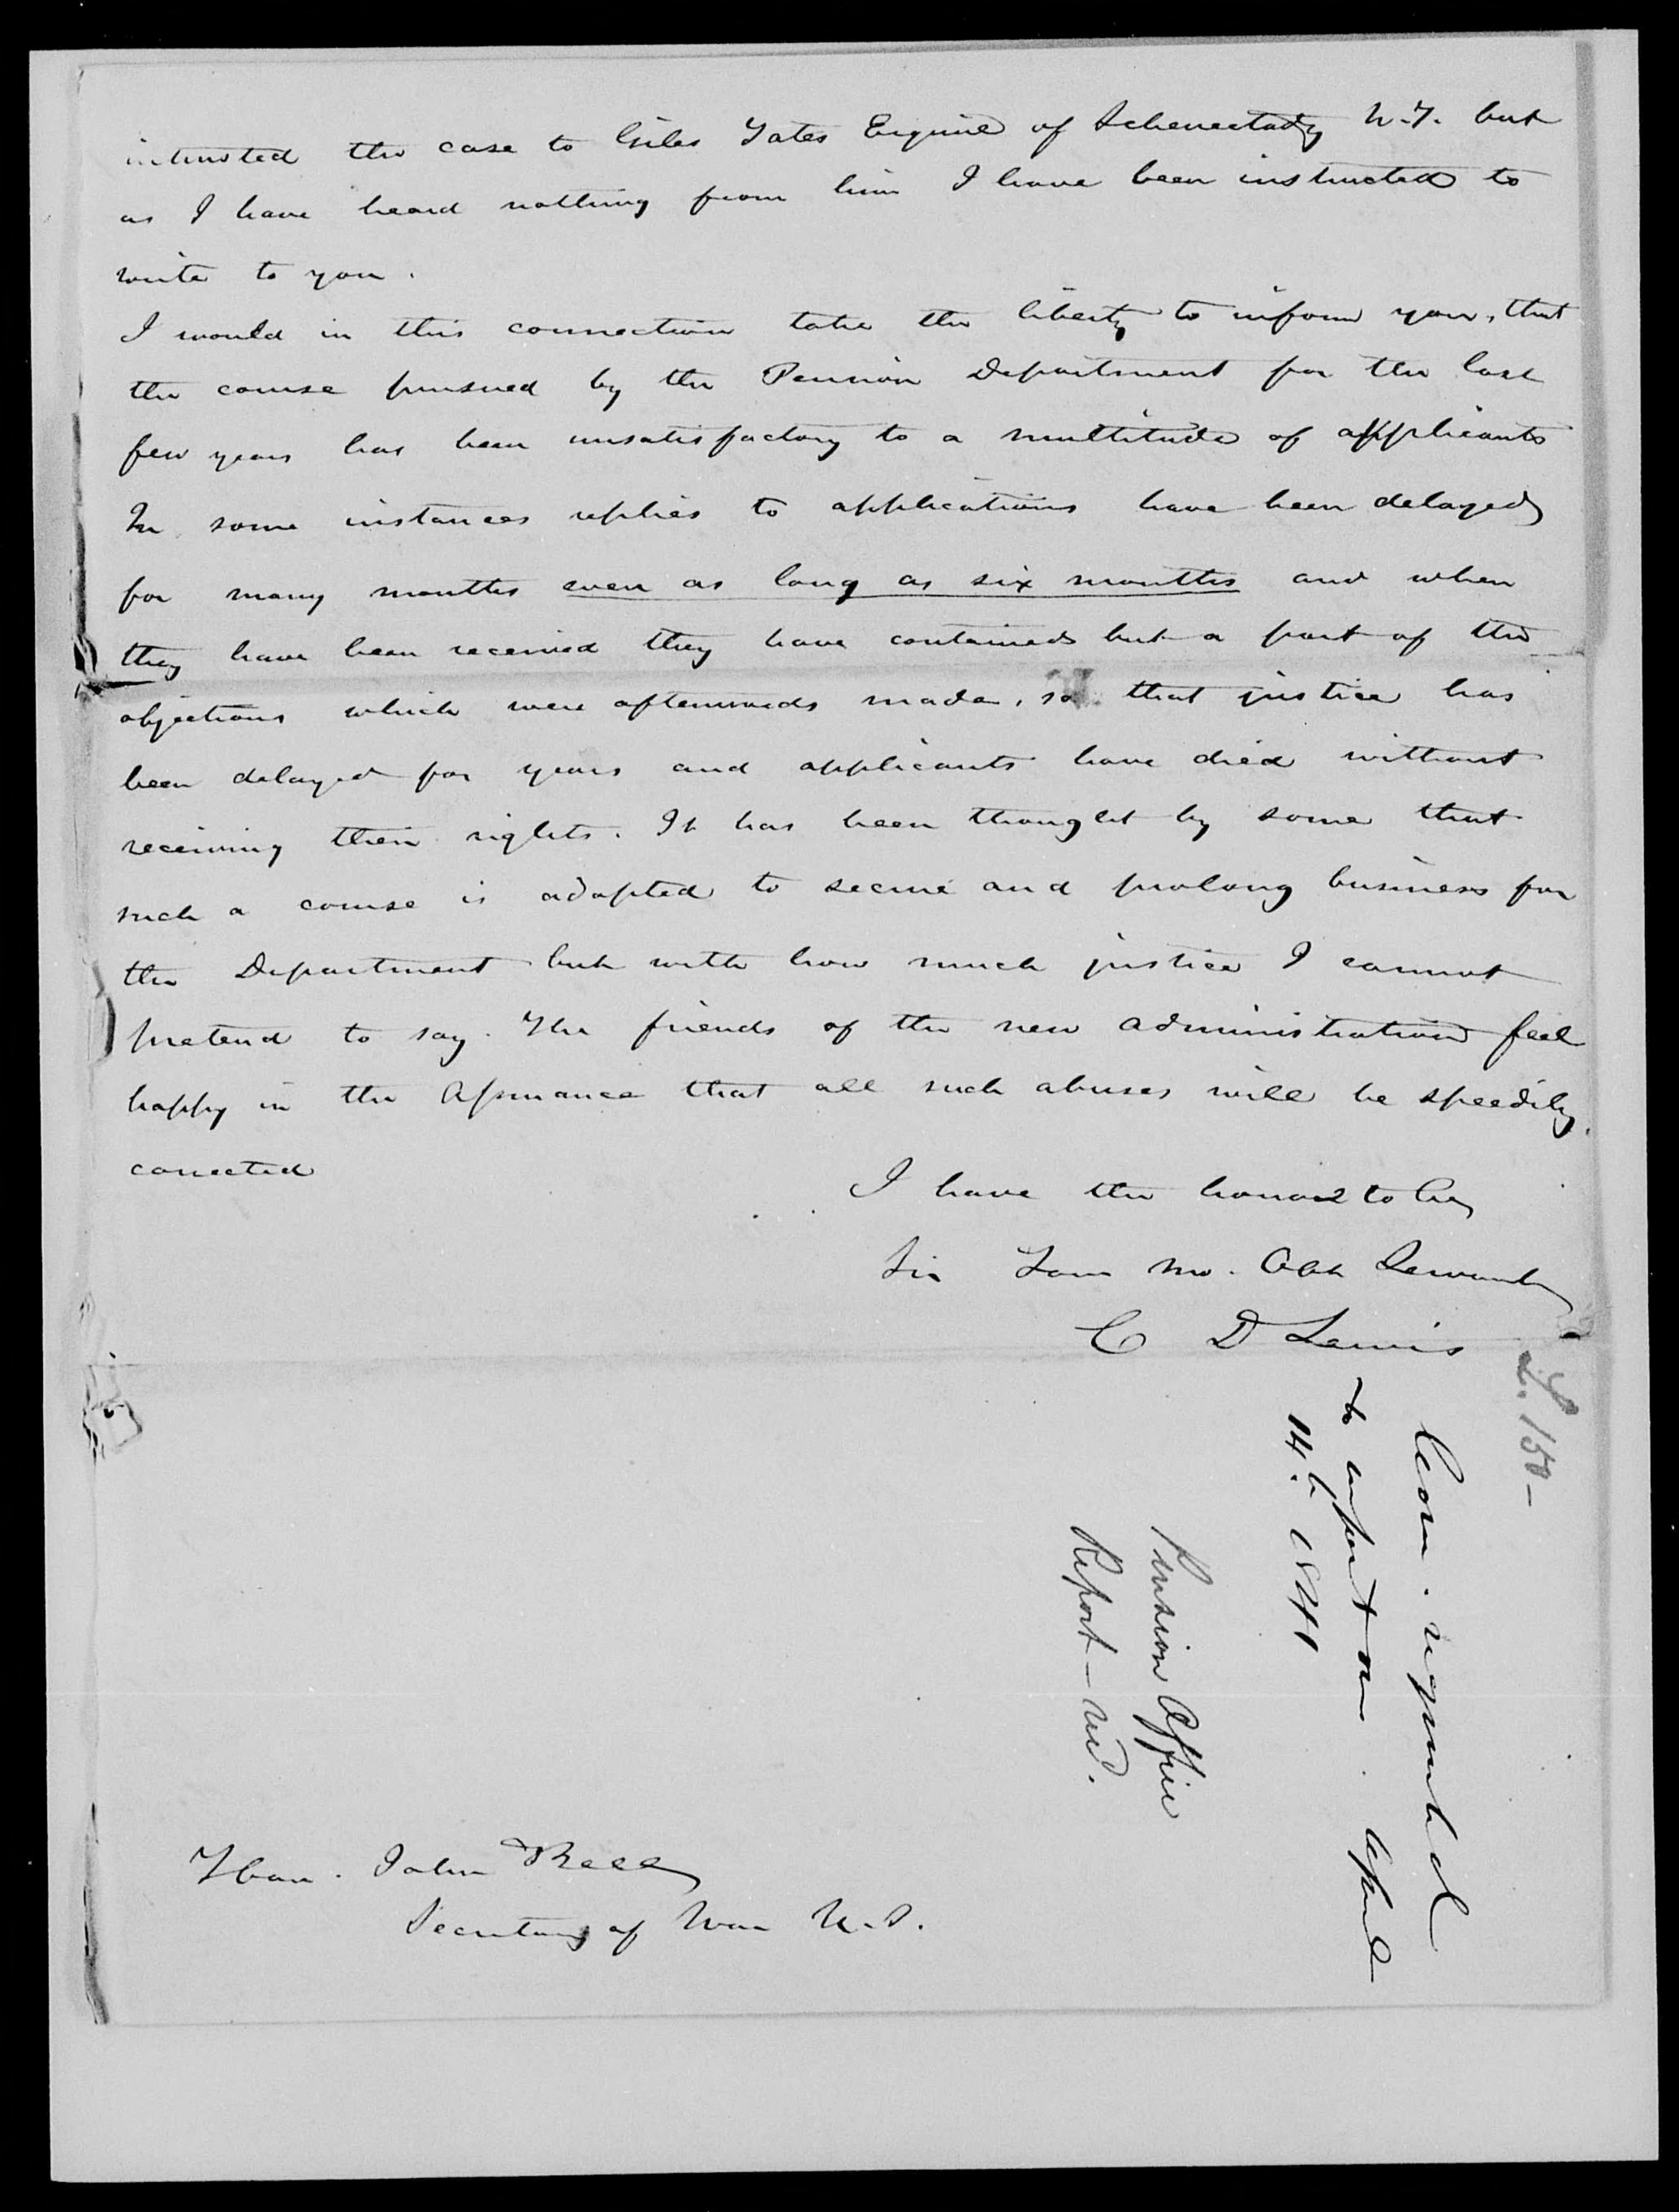intrusted the case to Giles Gates Esquire of Schenectady N.Y. but
as I have heard nothing from
him I have been instructed to
write to you.
I would in this connection take the liberty to inform you, that the
course pursued by the Pension Department for the last
few years
has been unsatisfactory to a multitude of applicants
In some instances replies to applications have been delayed
for many months even as long as six months and when
they
have been received
they have contained but a part of the
objections
which were afterwards made, that justice has
been delayed for years and applicants have died without
receiving
the rights. It has been thought by some that
such a
course is adapted to secure and prolong business for
the Department but with how much justice I cannot
pretend to say. The friends of the new administration feel
happy
the assurance that all such abuses will be speedily counted
I have the honor to be
Yr Hom ms Obt Servant
C D Lewis
L.158-
Com requested report on April 14th 1841
Pension office
Report - rec?
Hon. John Bell
Secreatary of War U.S.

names: Giles Gates; C D Lewis; John Bell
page: 45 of 75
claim: survivor's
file: S. 9989, for William Popham, Delaware